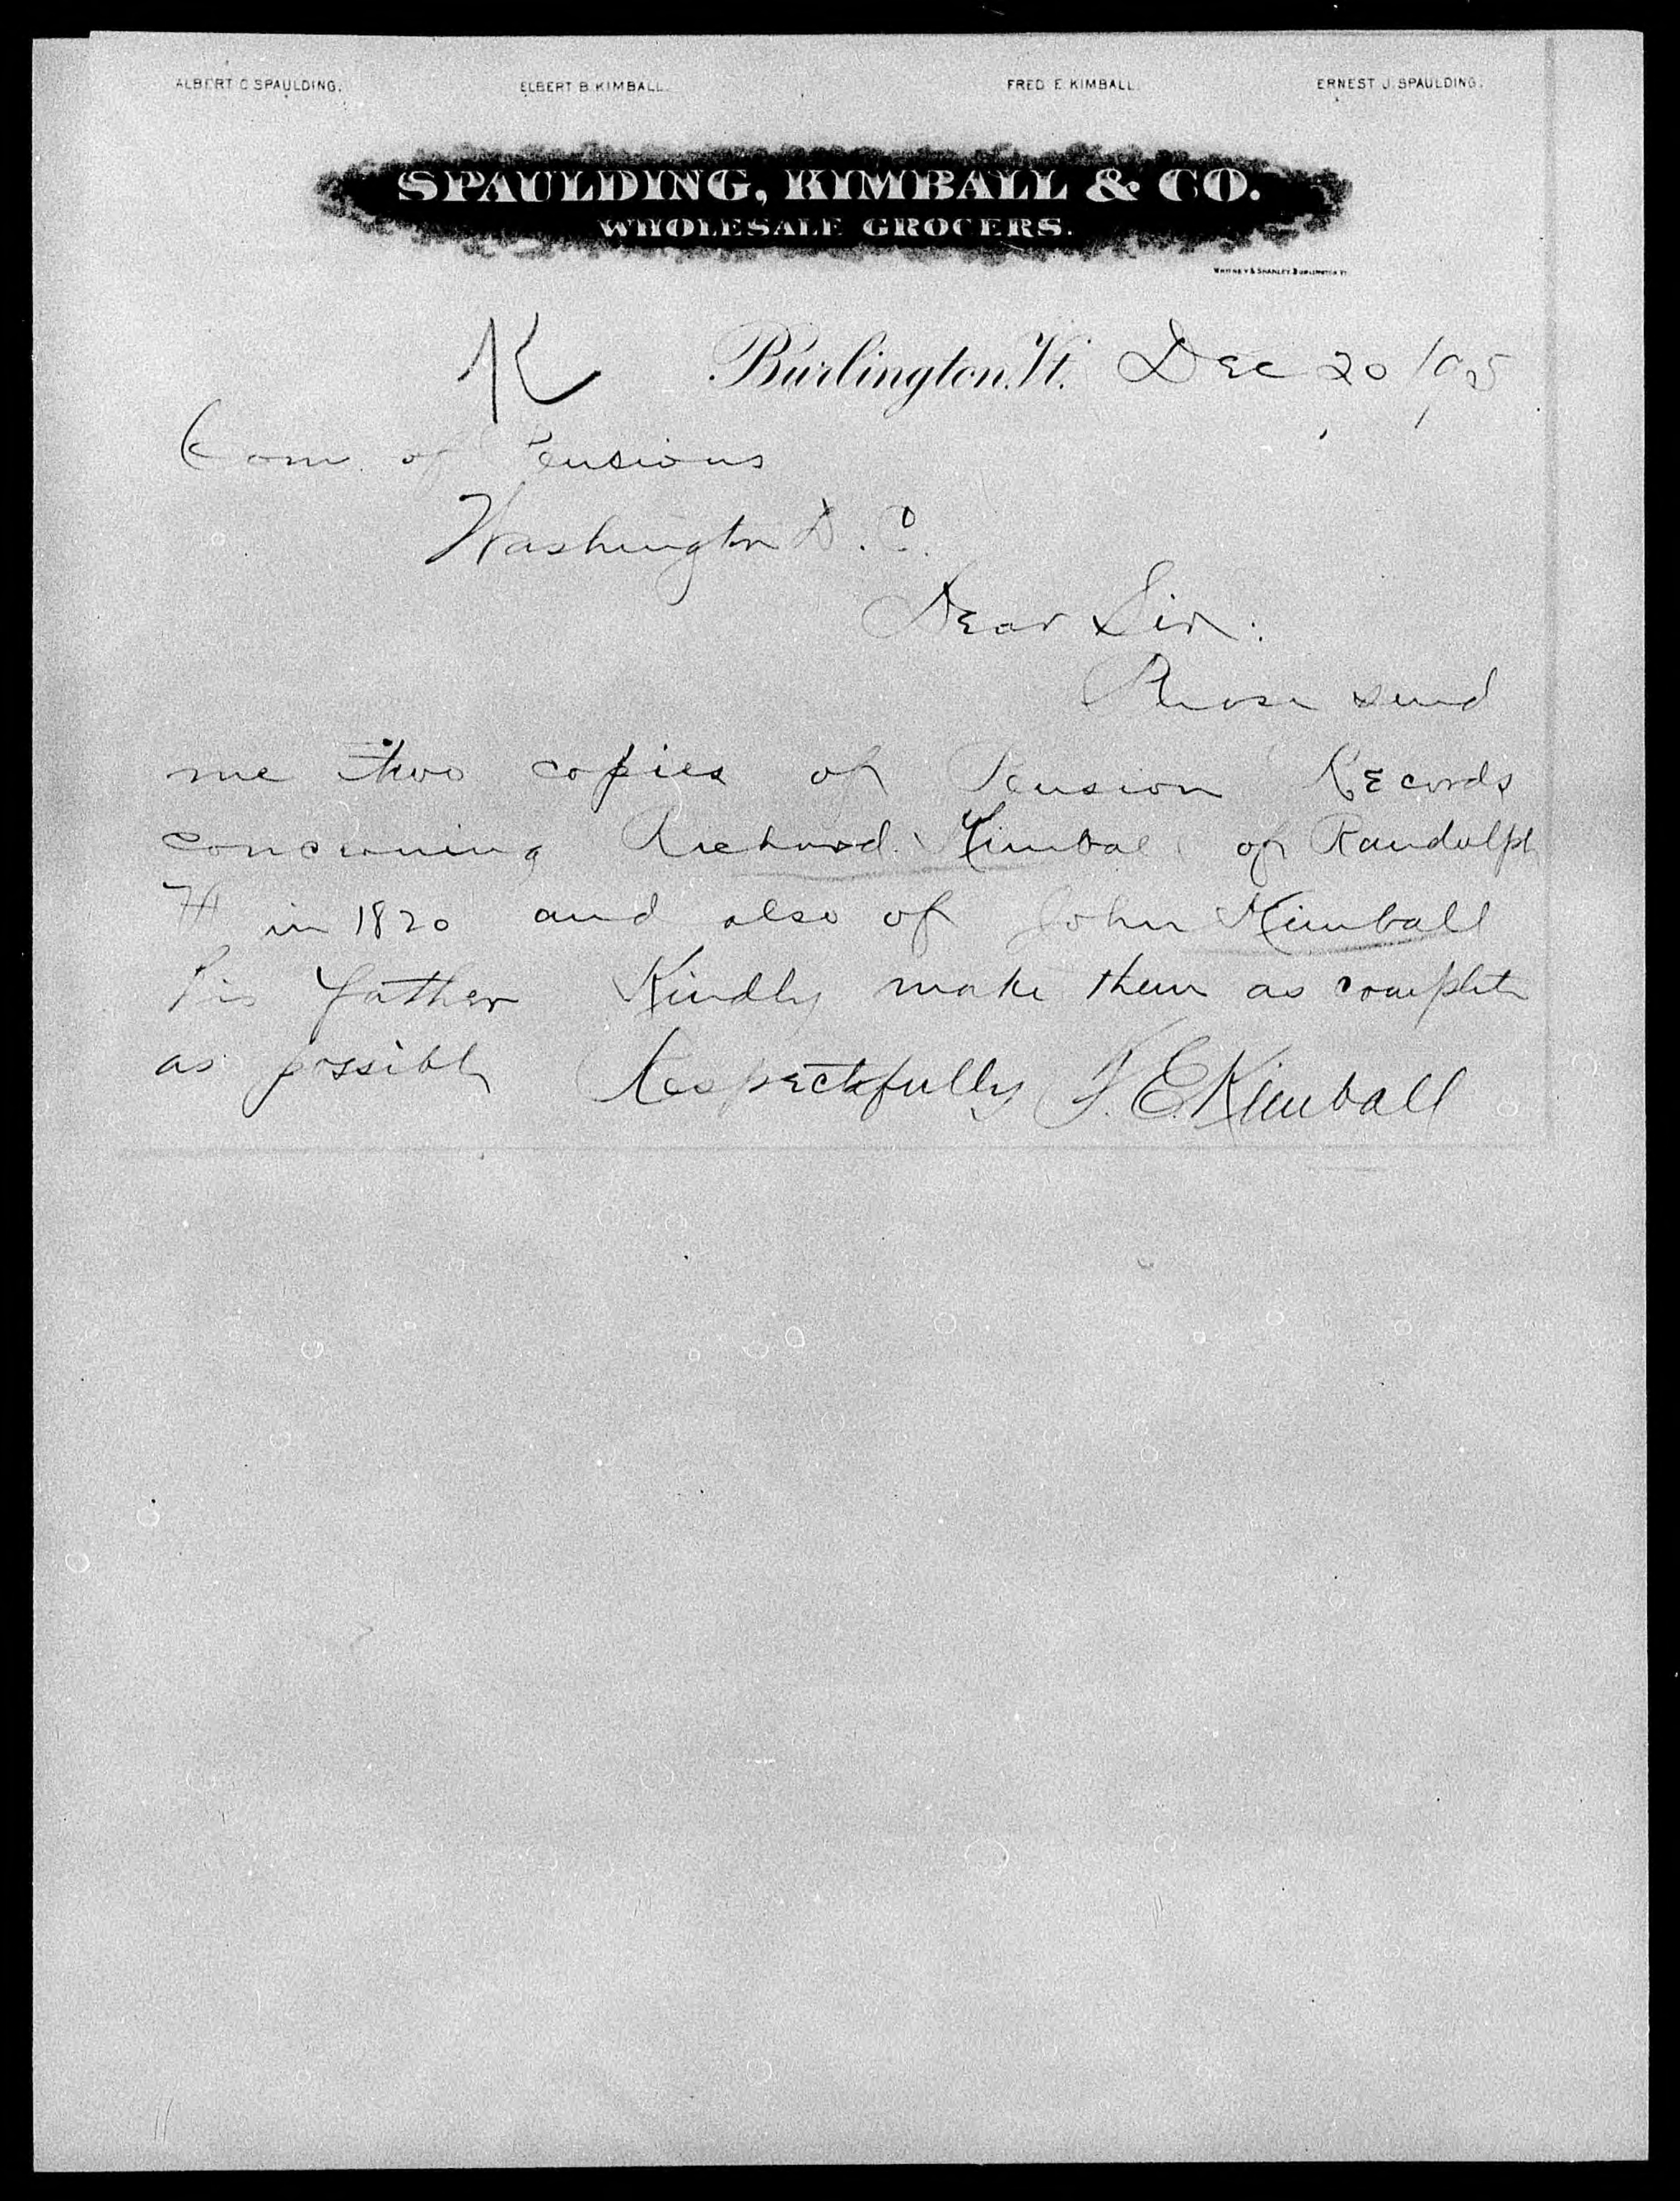Albert C Spaulding.  Elbert B Kimball.  Fred E. Kimball.  Ernest J. Spaulding.

Spaulding, Kimball & Co.
Wholesale Grocers.

Burlington, Vt. Dec 20/95
Com of Pensions
Washington D.C.

Dear Sir:
Please send me two copies of Pension Records concerning Richard Kimball of Randolph Vt in 1820 and also of John Kimball his father Kindly make them as complete as possible
Respectfully F. E. Kimball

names: Ernest J Spaulding; Albert C Spaulding; Fred E Kimball; Elbert B Kimball; F E Kimball; John Kimball; Richard Kimball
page: 30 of 36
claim: survivor's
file: S. 42,792, for John Kimball, Connecticut